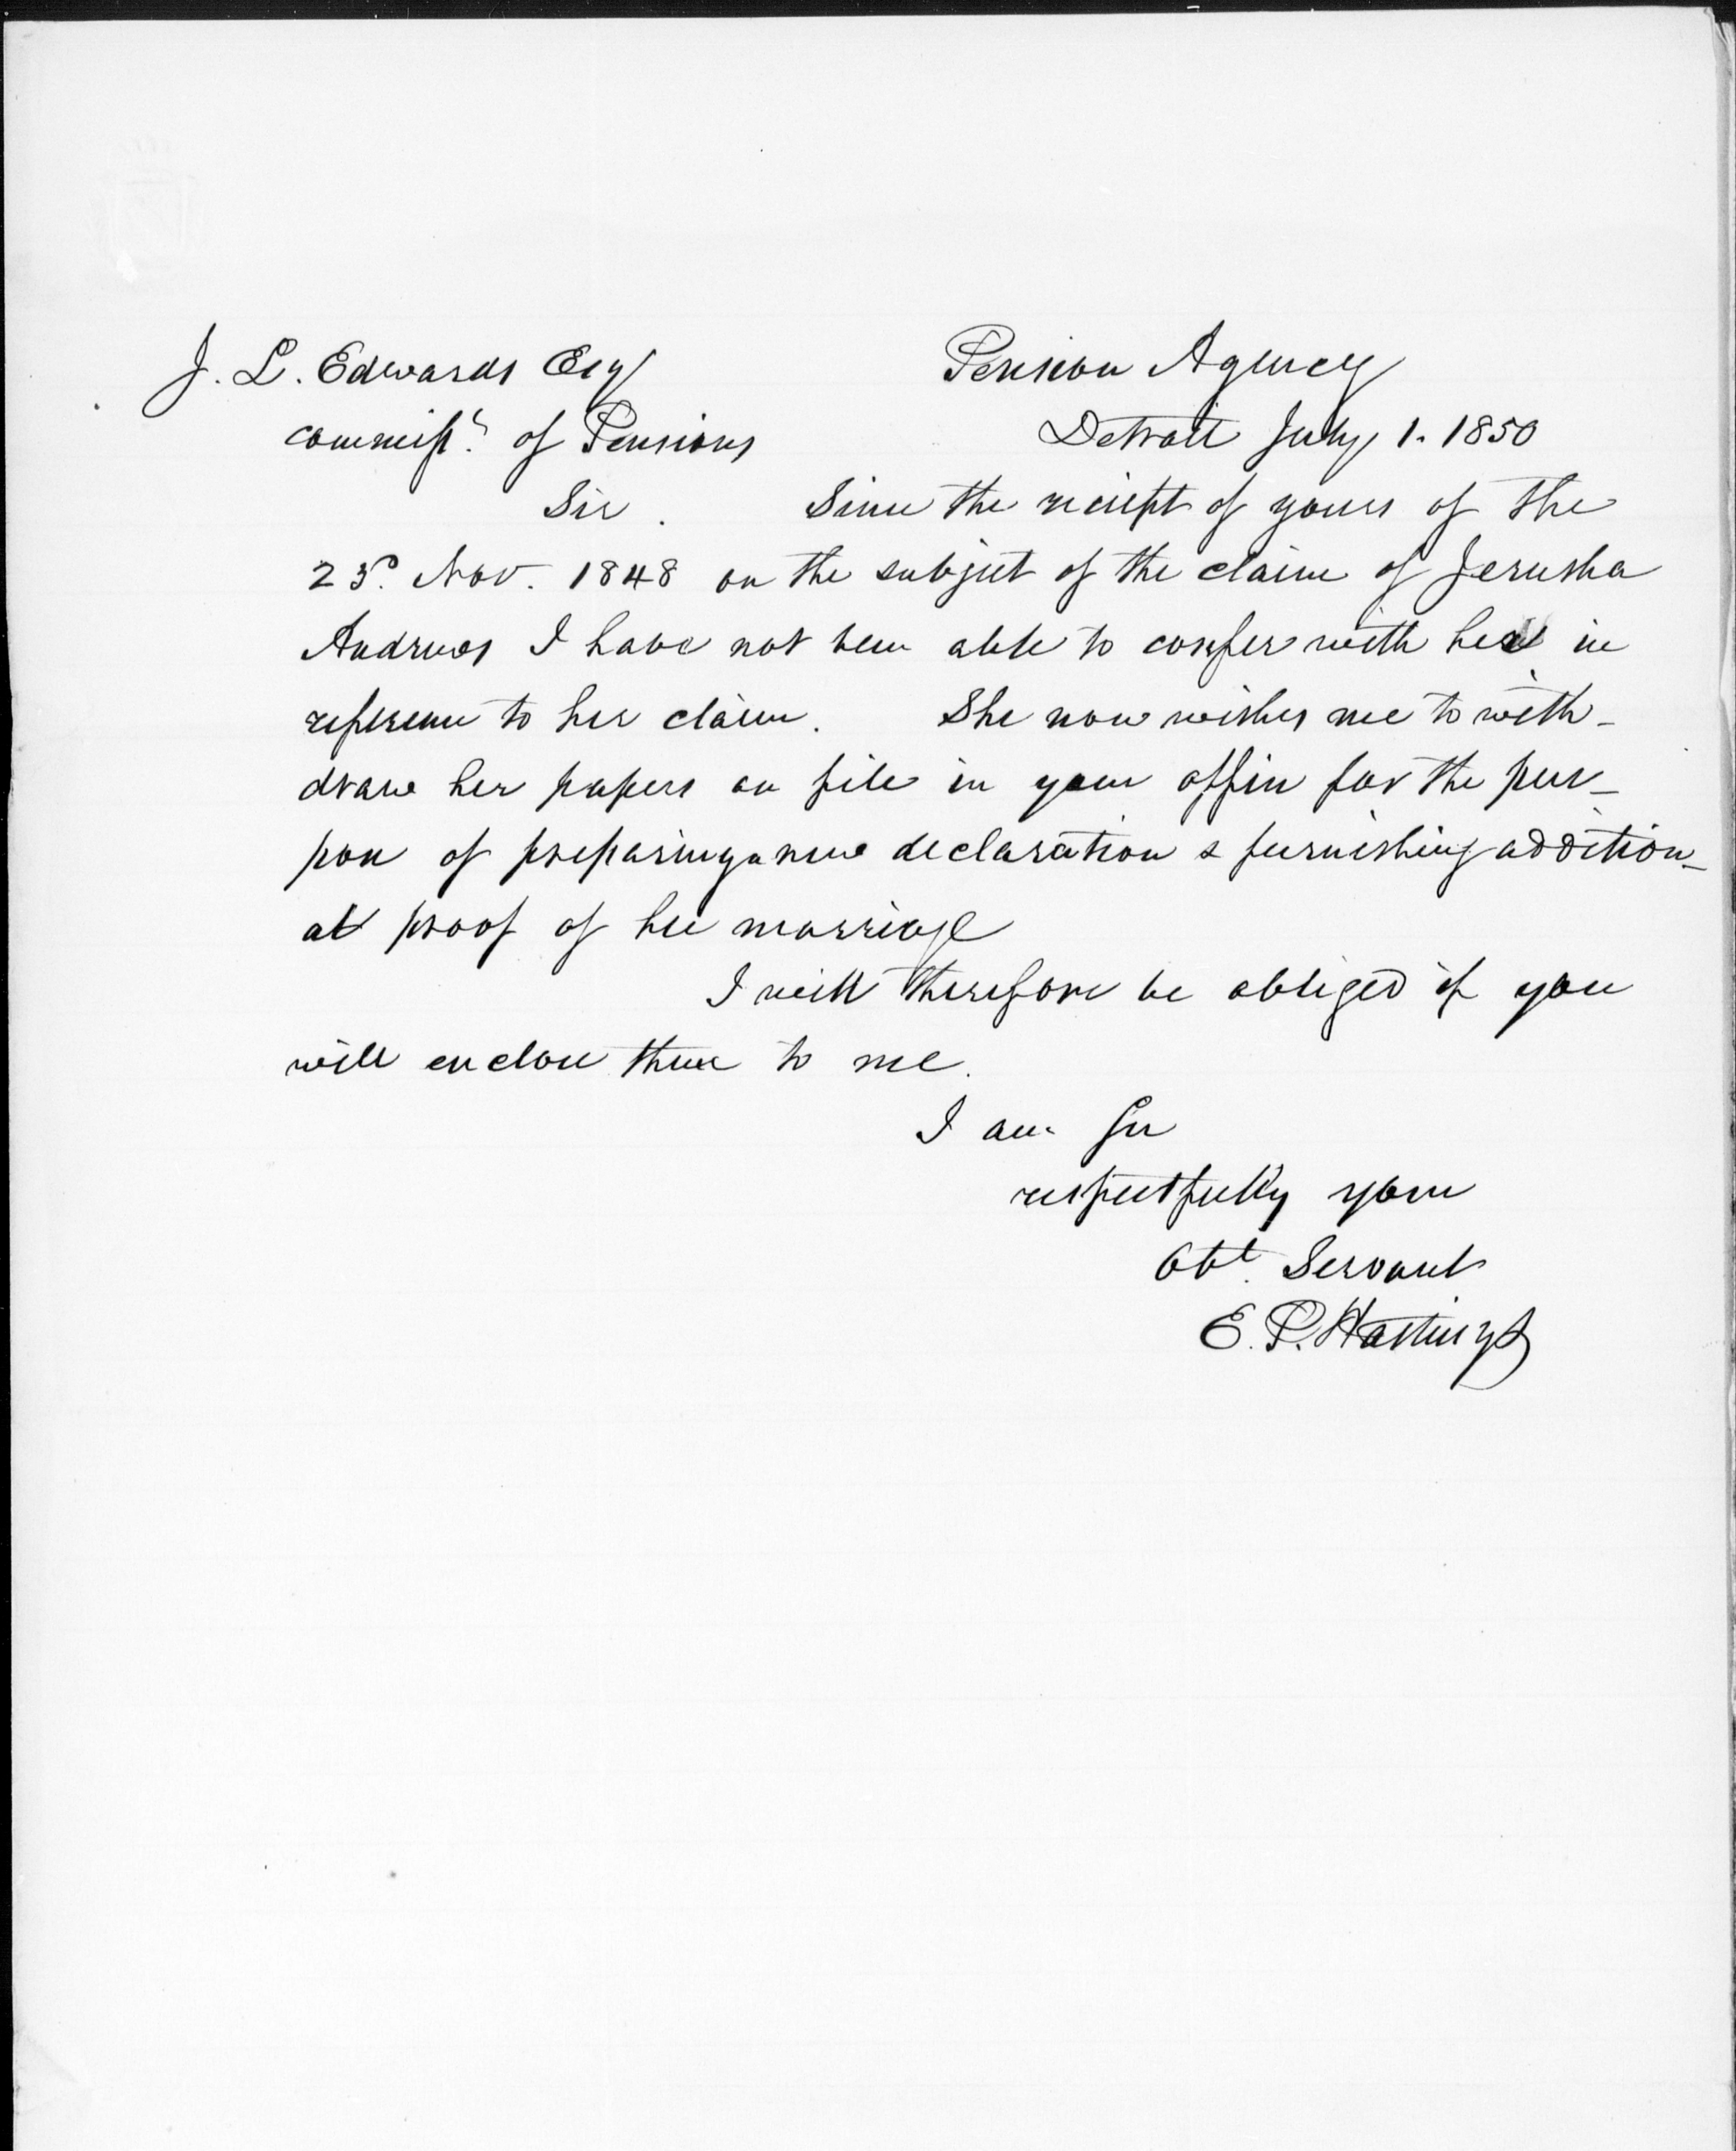J.L. Edwards Esq
Commiss of Pensions
Pension Agency
Detroit July 1. 1850
Sir since the receipt of yours of the
25 Nov. 1848 on the subject of the claim of Jerusha
Andrews I have not been
perence to her claim able to confer with her in
reference to her claim. She now wishes me to withdraw
her papers on file in your office for the purpose
of preparing a new declaration & furnishing additional  
proof of her marriage
I will therefore be obliged if you
will enclose them to me
I am Sir
respectfully your
obt Servant
E. P. Hastings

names: E P Hastings, Jerusha Andrews, J L Edwards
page: 52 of 78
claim: widow's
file: W. 4117, Nathaniel Bradley, Conn.